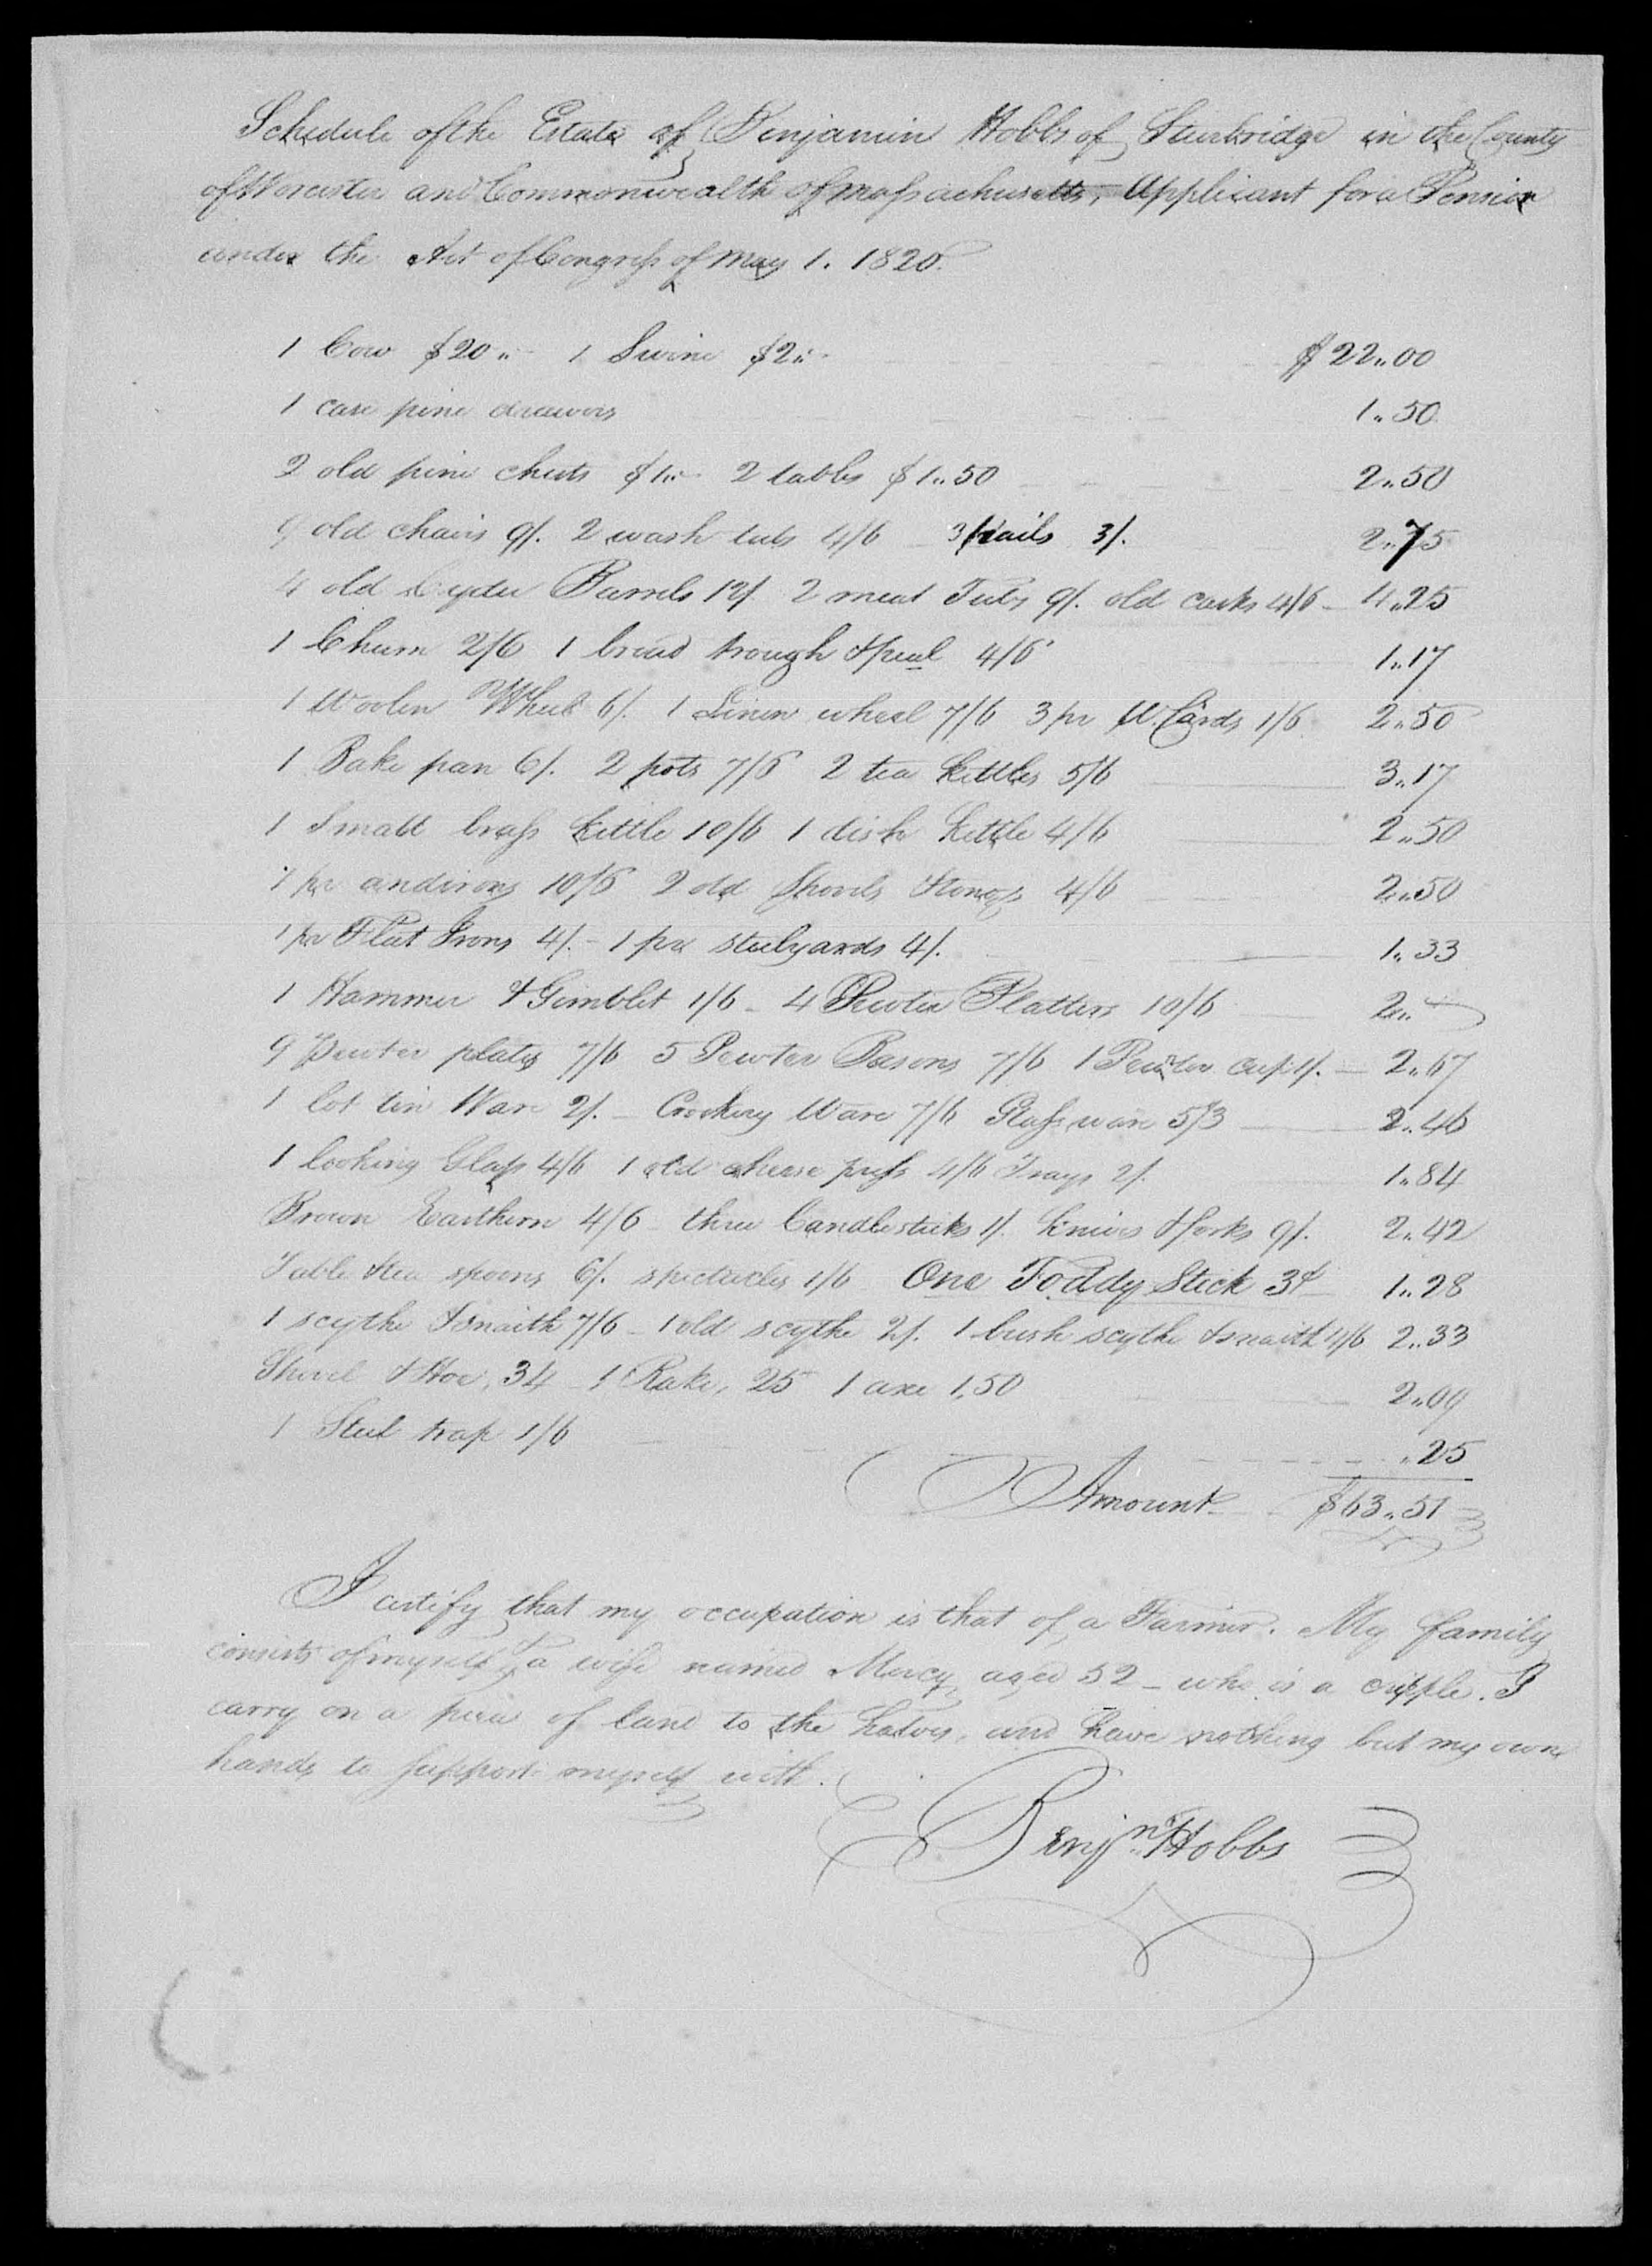Schedule of the Estate of Benjamin Hobbs of Sturbridge in the County of Worcester and Commonwealth of Massachusetts, Applicant for a Pension under the Act of Congress of May 1, 1820.

1 Cow $20. 1 Swine $2. | $22.00
1 case pine drawers | 1.50
2 old pine chests $1. 2 tables $1.50 | 2.50
9 old chairs 9/. 2 wash tubs 4/6. 3 pails 3/. | 2.75
4 old [illegible] Barrels 12/. 2 meat tubs 9/. old casks 4/6 | 4.25
1 Churn 2/6. 1 bread [illegible] [illegible] 4/6. | 1.17
1 Woolen Wheel 6/. 1 Linen wheel 7/6. 3 pr W Cards 1/6. | 2.50
1 Bake pan 6/. 2 pots 7/6. 2 tea kettles 5/6 | 3.17
1 Small brass kettle 10/6. 1 dish kettle 4/6 | 2.50
1 pr andirons 10/6. 2 old Shovels [illegible] 4/6 | 2.50
1 pr Flat Irons 4/. 1 pr. steelyards 4. | 1.33
1 Hammer & Gimblet 1/6. 4 Pewter Platters 10/6 | 2.
9 Pewter plates 7/6. 5 Pewter Basons. 7.6. 1 Pewter cup 1/. | 2.67
1 lot tin Ware 2/. Cooking Ware 7/6. Glassware 5/3 | 2.46
1 looking glass 4/6. 1 old cheese press 4/6. Trays 2/. | 1.84
Brown Earthen 4/6. three Candlesticks 1/. knives & forks 9/. | 2.42
Table tea spoons 6/. spectacles 1/6. One Toddy Stick 3¢ | 1.28
1 scythe [illegible] 7/6. 1 old scythe 2/. 1 bush scythe [illegible] 11/6 | 2.33
Shovel & Hoe 34. 1 Rake, 25, 1 axe 1.50 | 2.09
1 Steel trap 1/6. | .25
Amount | $63.57

I certify that my occupation is that of a Farmer. My family consists of myself, a wife named Mercy, aged 52 - who is a cripple. I carry on a piece of land to the halves, and have nothing but my own hands to support myself with.
Benjn Hobbs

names: Benjamin Hobbs, Benjn Hobbs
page: 12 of 13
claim: survivor's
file: S. 32,846, Benjamin Hobbs, Continental Mass. & War Of 1812